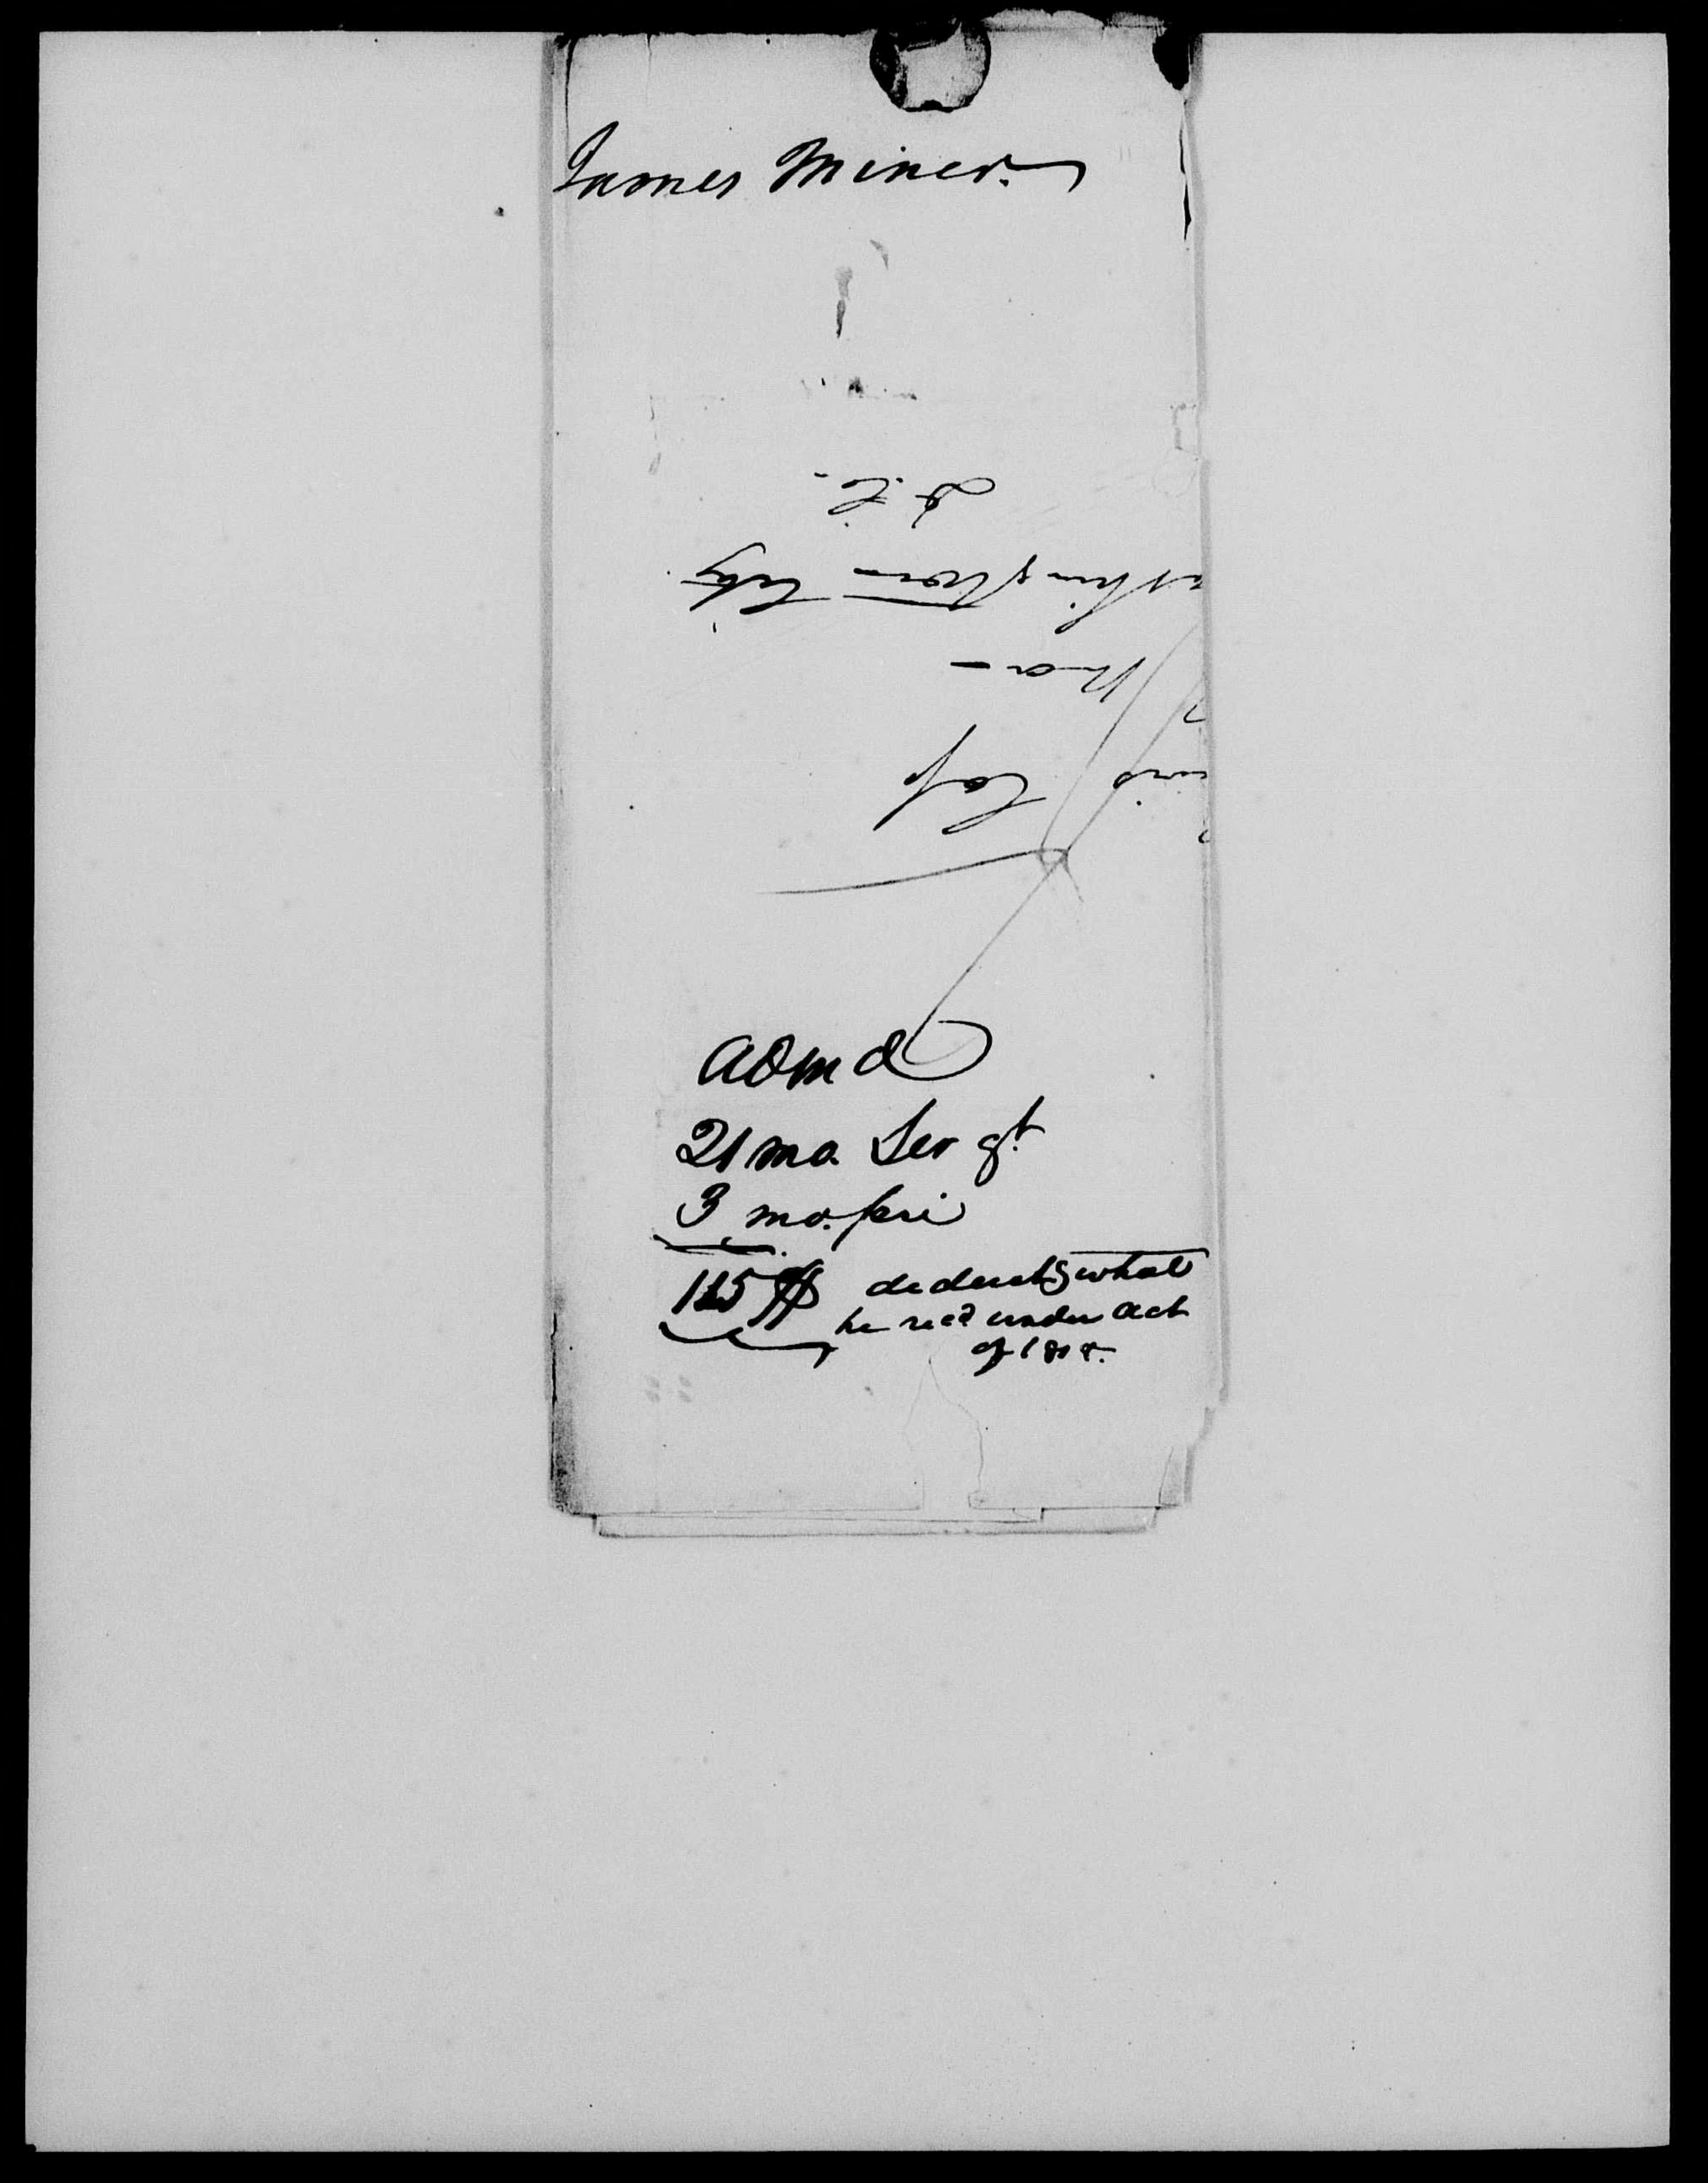James Miner


[illegible upside down text]
Washington City
D. C.

Adm’d 
U Ma Ser gt
3 mo Pri
——
165$ deduct what he rec’d under act of 1805.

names: James Miner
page: 31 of 39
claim: survivor's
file: S. 23802, for James Miner, Connecticut